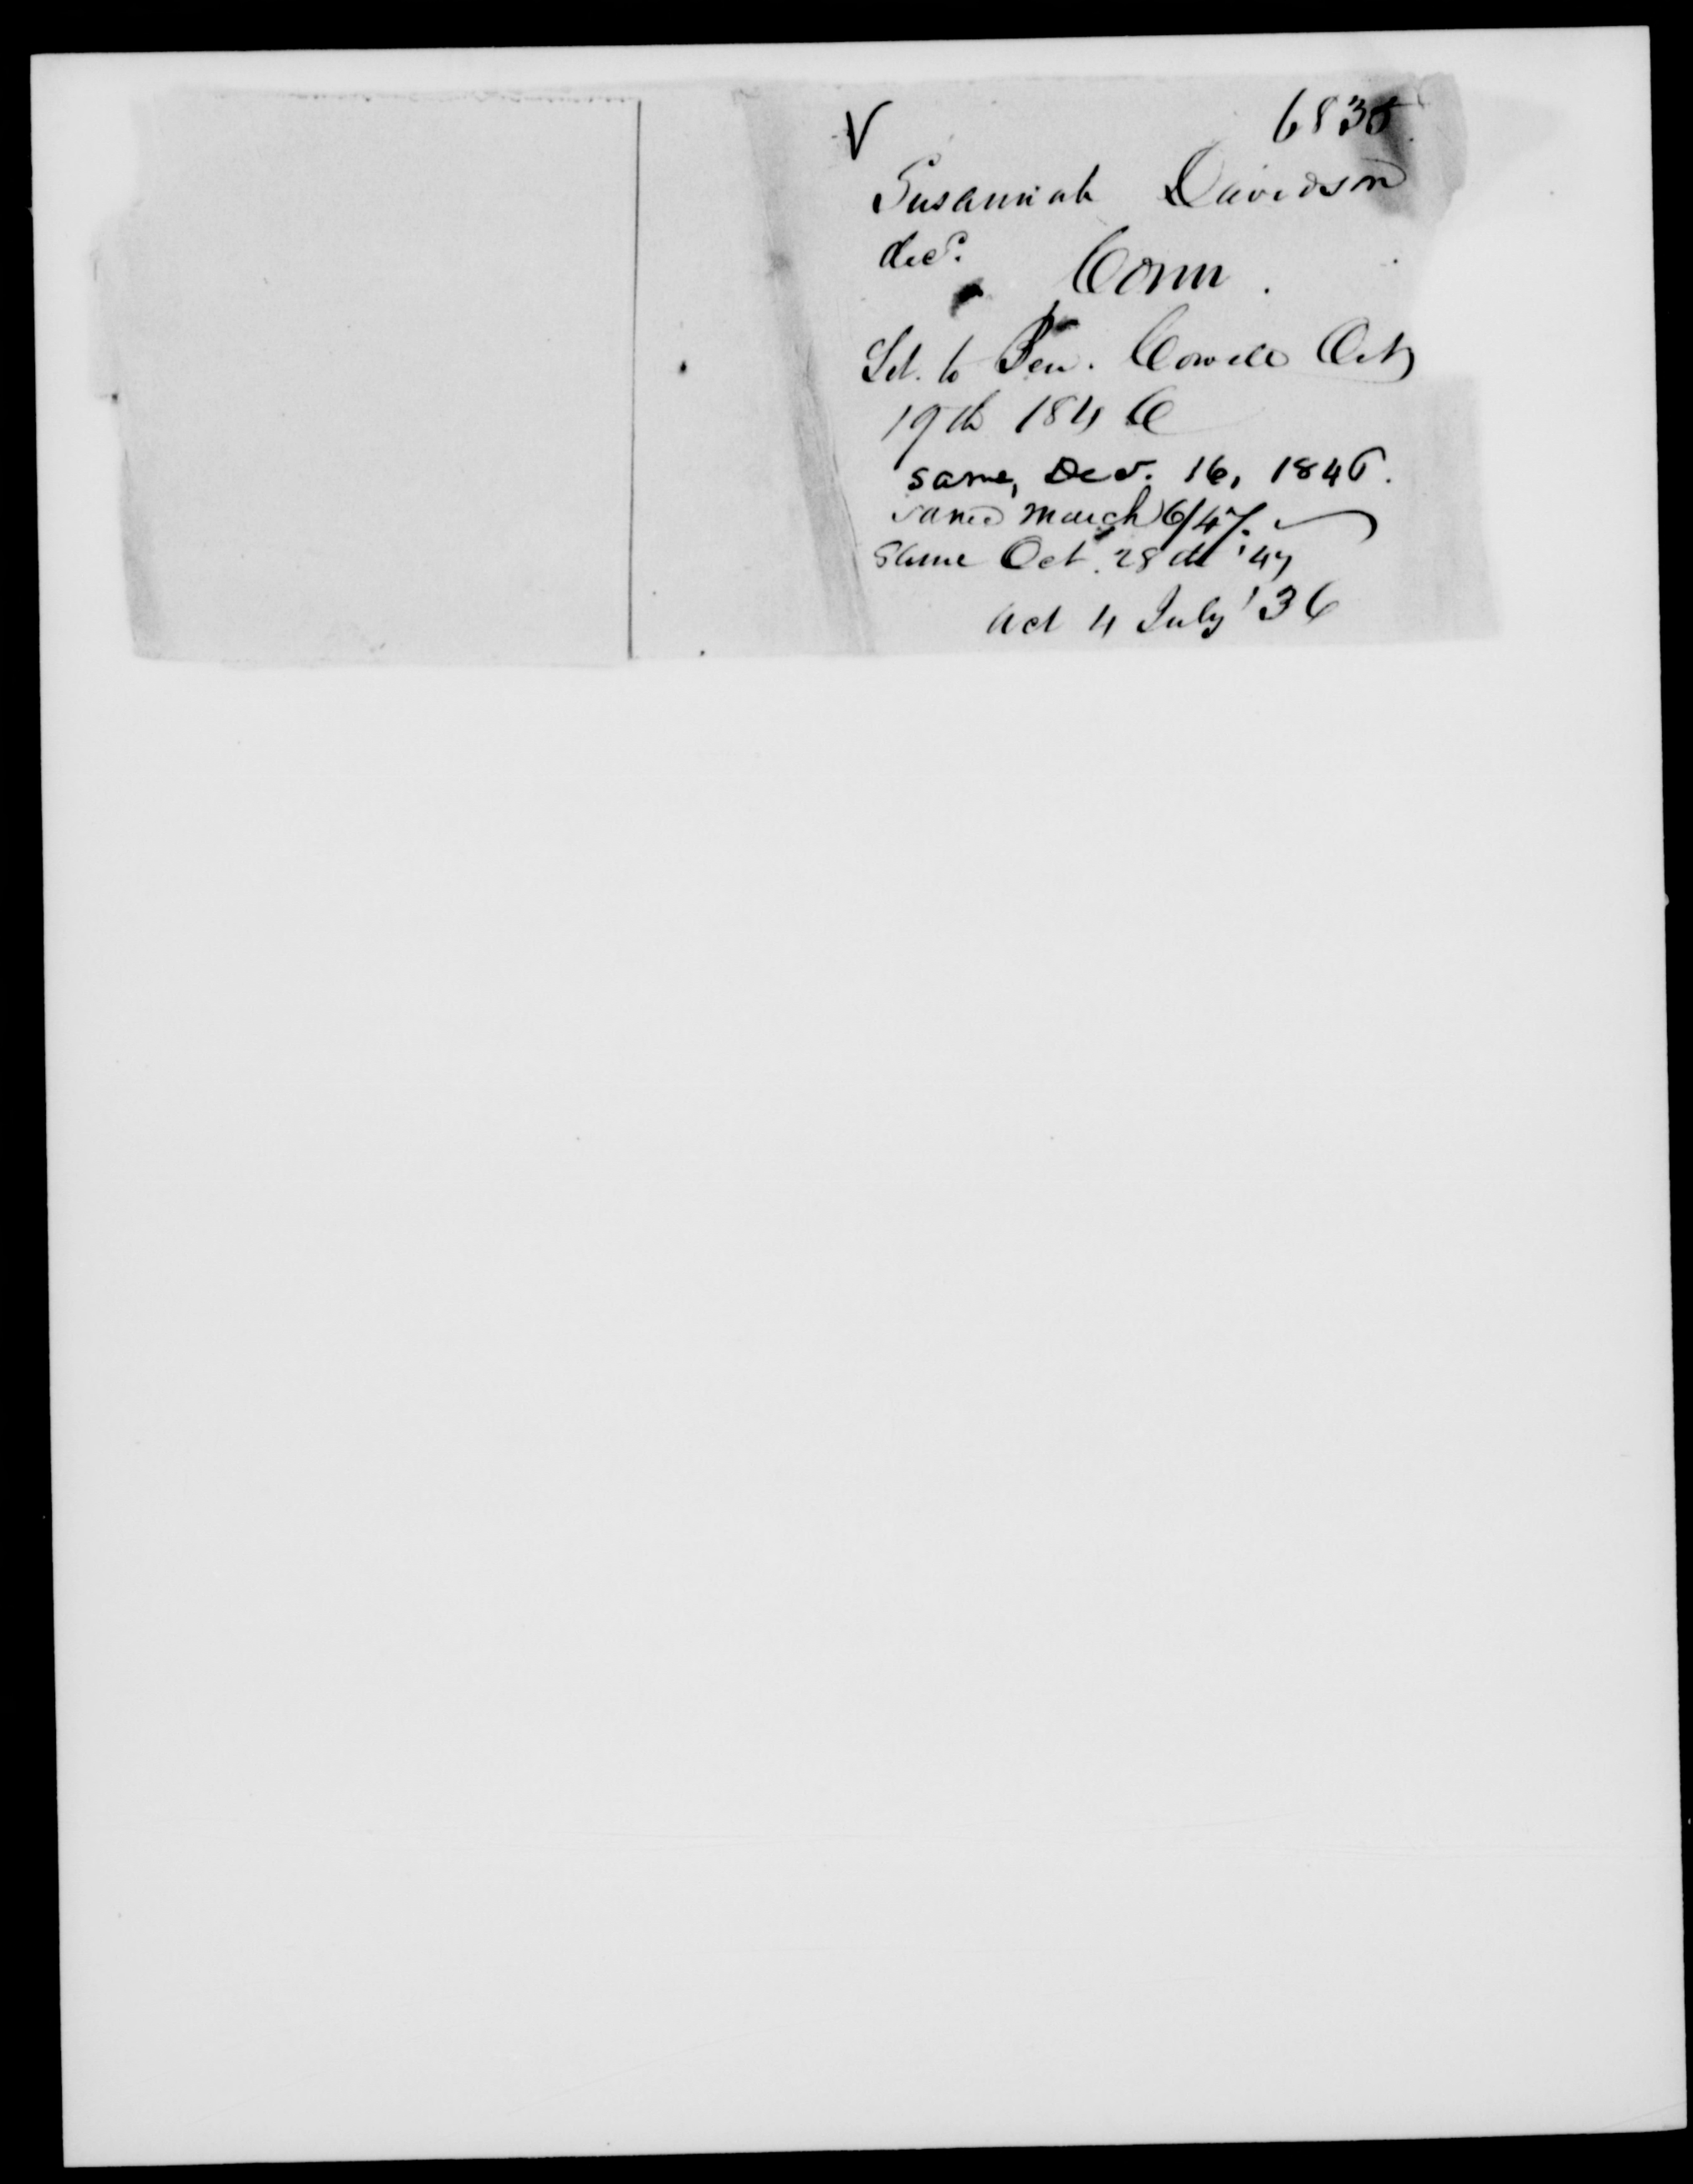V.                    6835

Susannah Davison
Dec:
Conn.

Let. to Ben. Cowell Oct 19th 1846

Same, Dec. 16, 1846
Same March 6/ 47
Same Oct. 28th ‘47
Act 4 July ‘36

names: Ben Cowell, Susannah Davidson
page: 45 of 53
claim: widow's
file: W 17707, Benjamin Weaver, R.I.